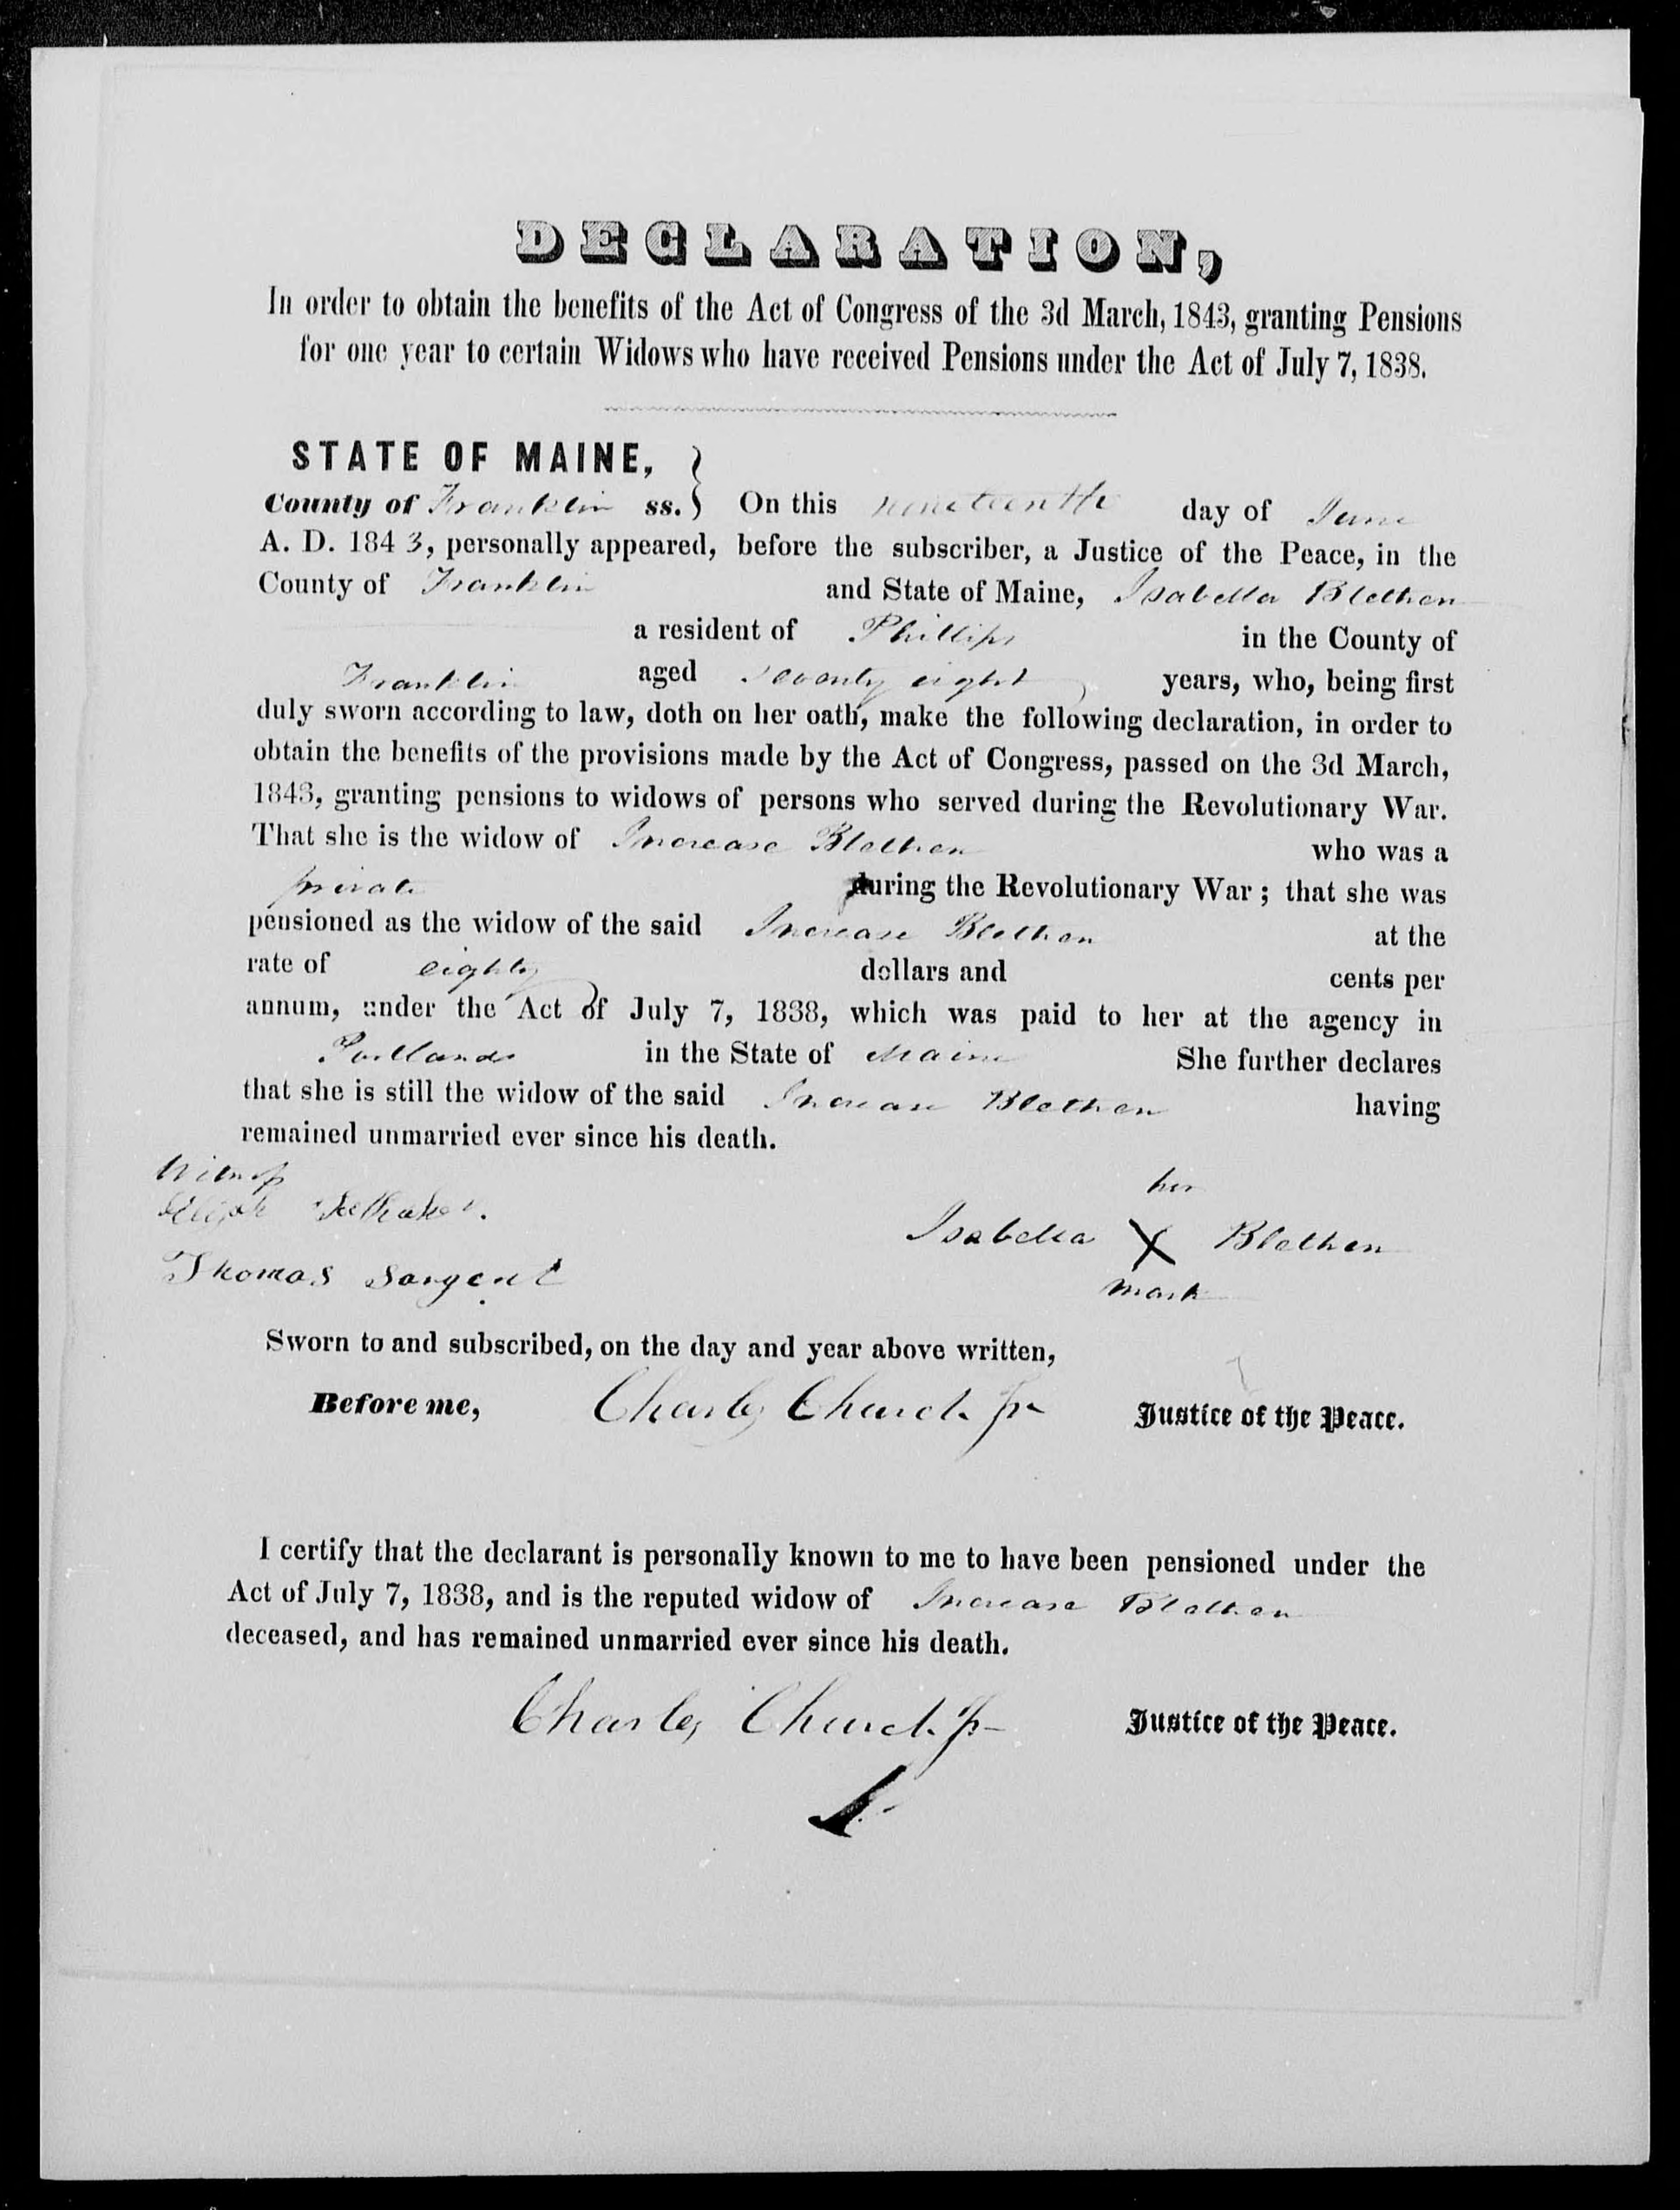DECLARATION,
In order to obtain the benefits of the Act of Congress of the 3d March, 1843, granting Pensions
for one year to certain Widows who have received Pensions under the Act of July 7, 1838.

STATE OF MAINE,}
County of Franklin ss.} On the nineteenth day of June
A. D. 1843, personally appeared, before the subscriber, a Justice of the Peace, in the
County of Franklin and State of Maine, Isabella Blethen
a resident of Phillips in the County of
Franklin aged seventy eight years, who, being first
duly sworn according to law, doth on her oath, make the following declaration, in order to 
obtain the benefits of the provisions made by the Act of Congress, passed on the 3d March,
1843, granting pensions to widows of persons who served during the Revolutionary War.
That she is the widow of Increase Blethen who was a Private during the Revolutionary War; that she was
pensioned as the widow of the said Increase Blethen at the
rate of eighty dollars and cents per
annum, under the Act of July 7, 1838, which was paid to her at the agency in
Portland in the State of Maine. She further declares 
that she is still the widow of the said Increase Blethen having
remained unmarried ever since his death.
Witness                    Isabella [her X mark] Blethen
Elijah Toothaker
Thomas Sargent

Sworn to and subscribed, on the day and year above written,
Before me,   Charles Church Jr   Justice of the Peace.

I certify that the declarant is personally known to me to have been pensioned under the
Act of July 7, 1838, and is the reputed widow of Increase Blethen
deceased, and has remained unmarried ever since his death.

Charles Church Jr. Justice of the Peace.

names: Charles Charch, Charles Charch, Increase Blethen, Increase Blethen, Thomas Sargent, Increase Blethen, Elijah Toothaker, Isabella Blethen, Increase Blethen, Isabella Blethen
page: 34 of 39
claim: widow's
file: W. 23,621, Increase Blethen, Mass.